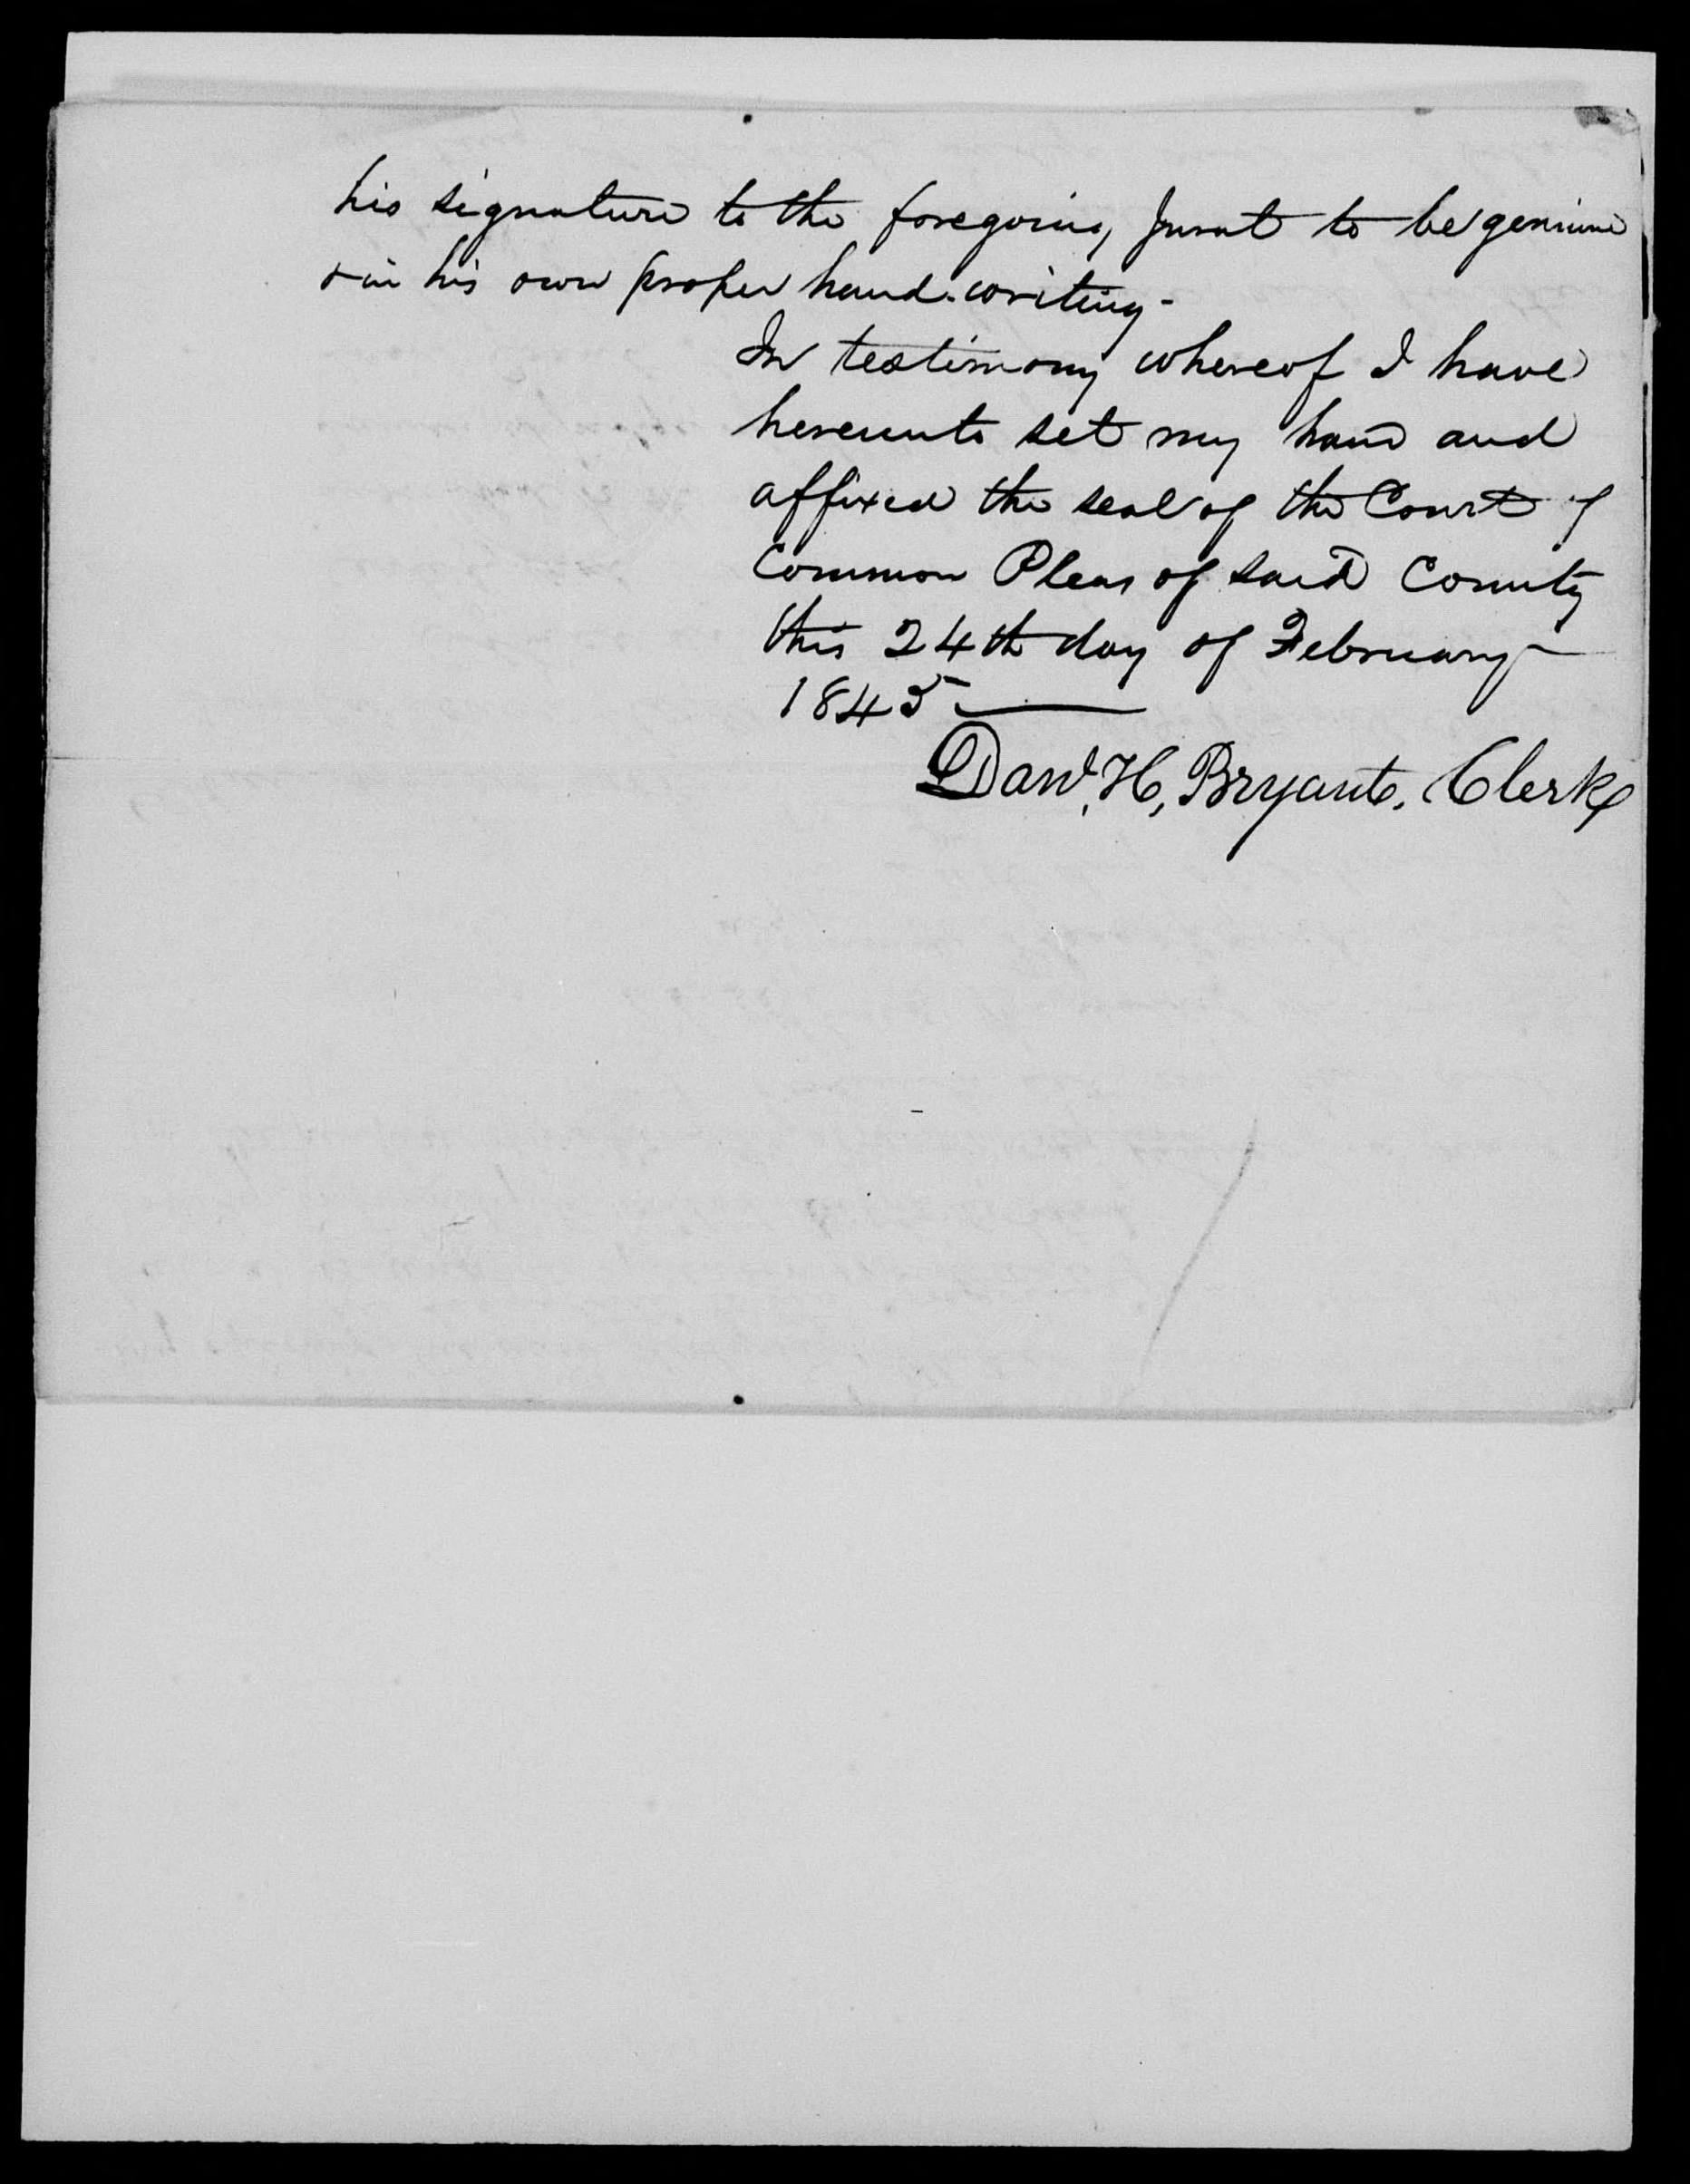his signature to the foregoing, jurat to be genuine
& in his own proper handwriting – 
		
	In testimony whereof I have hereunto set my hand
	and affixed the seal of the Court of 
	Common Pleas of said County
	this 24th day of February 
	1845 – 
		Daniel H. Bryant, Clerk [signature
[There is a vague impression of a seal]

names: Danl H Bryant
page: 14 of 40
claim: rejected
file: R. 1,570, Samuel Culver, New Jersey